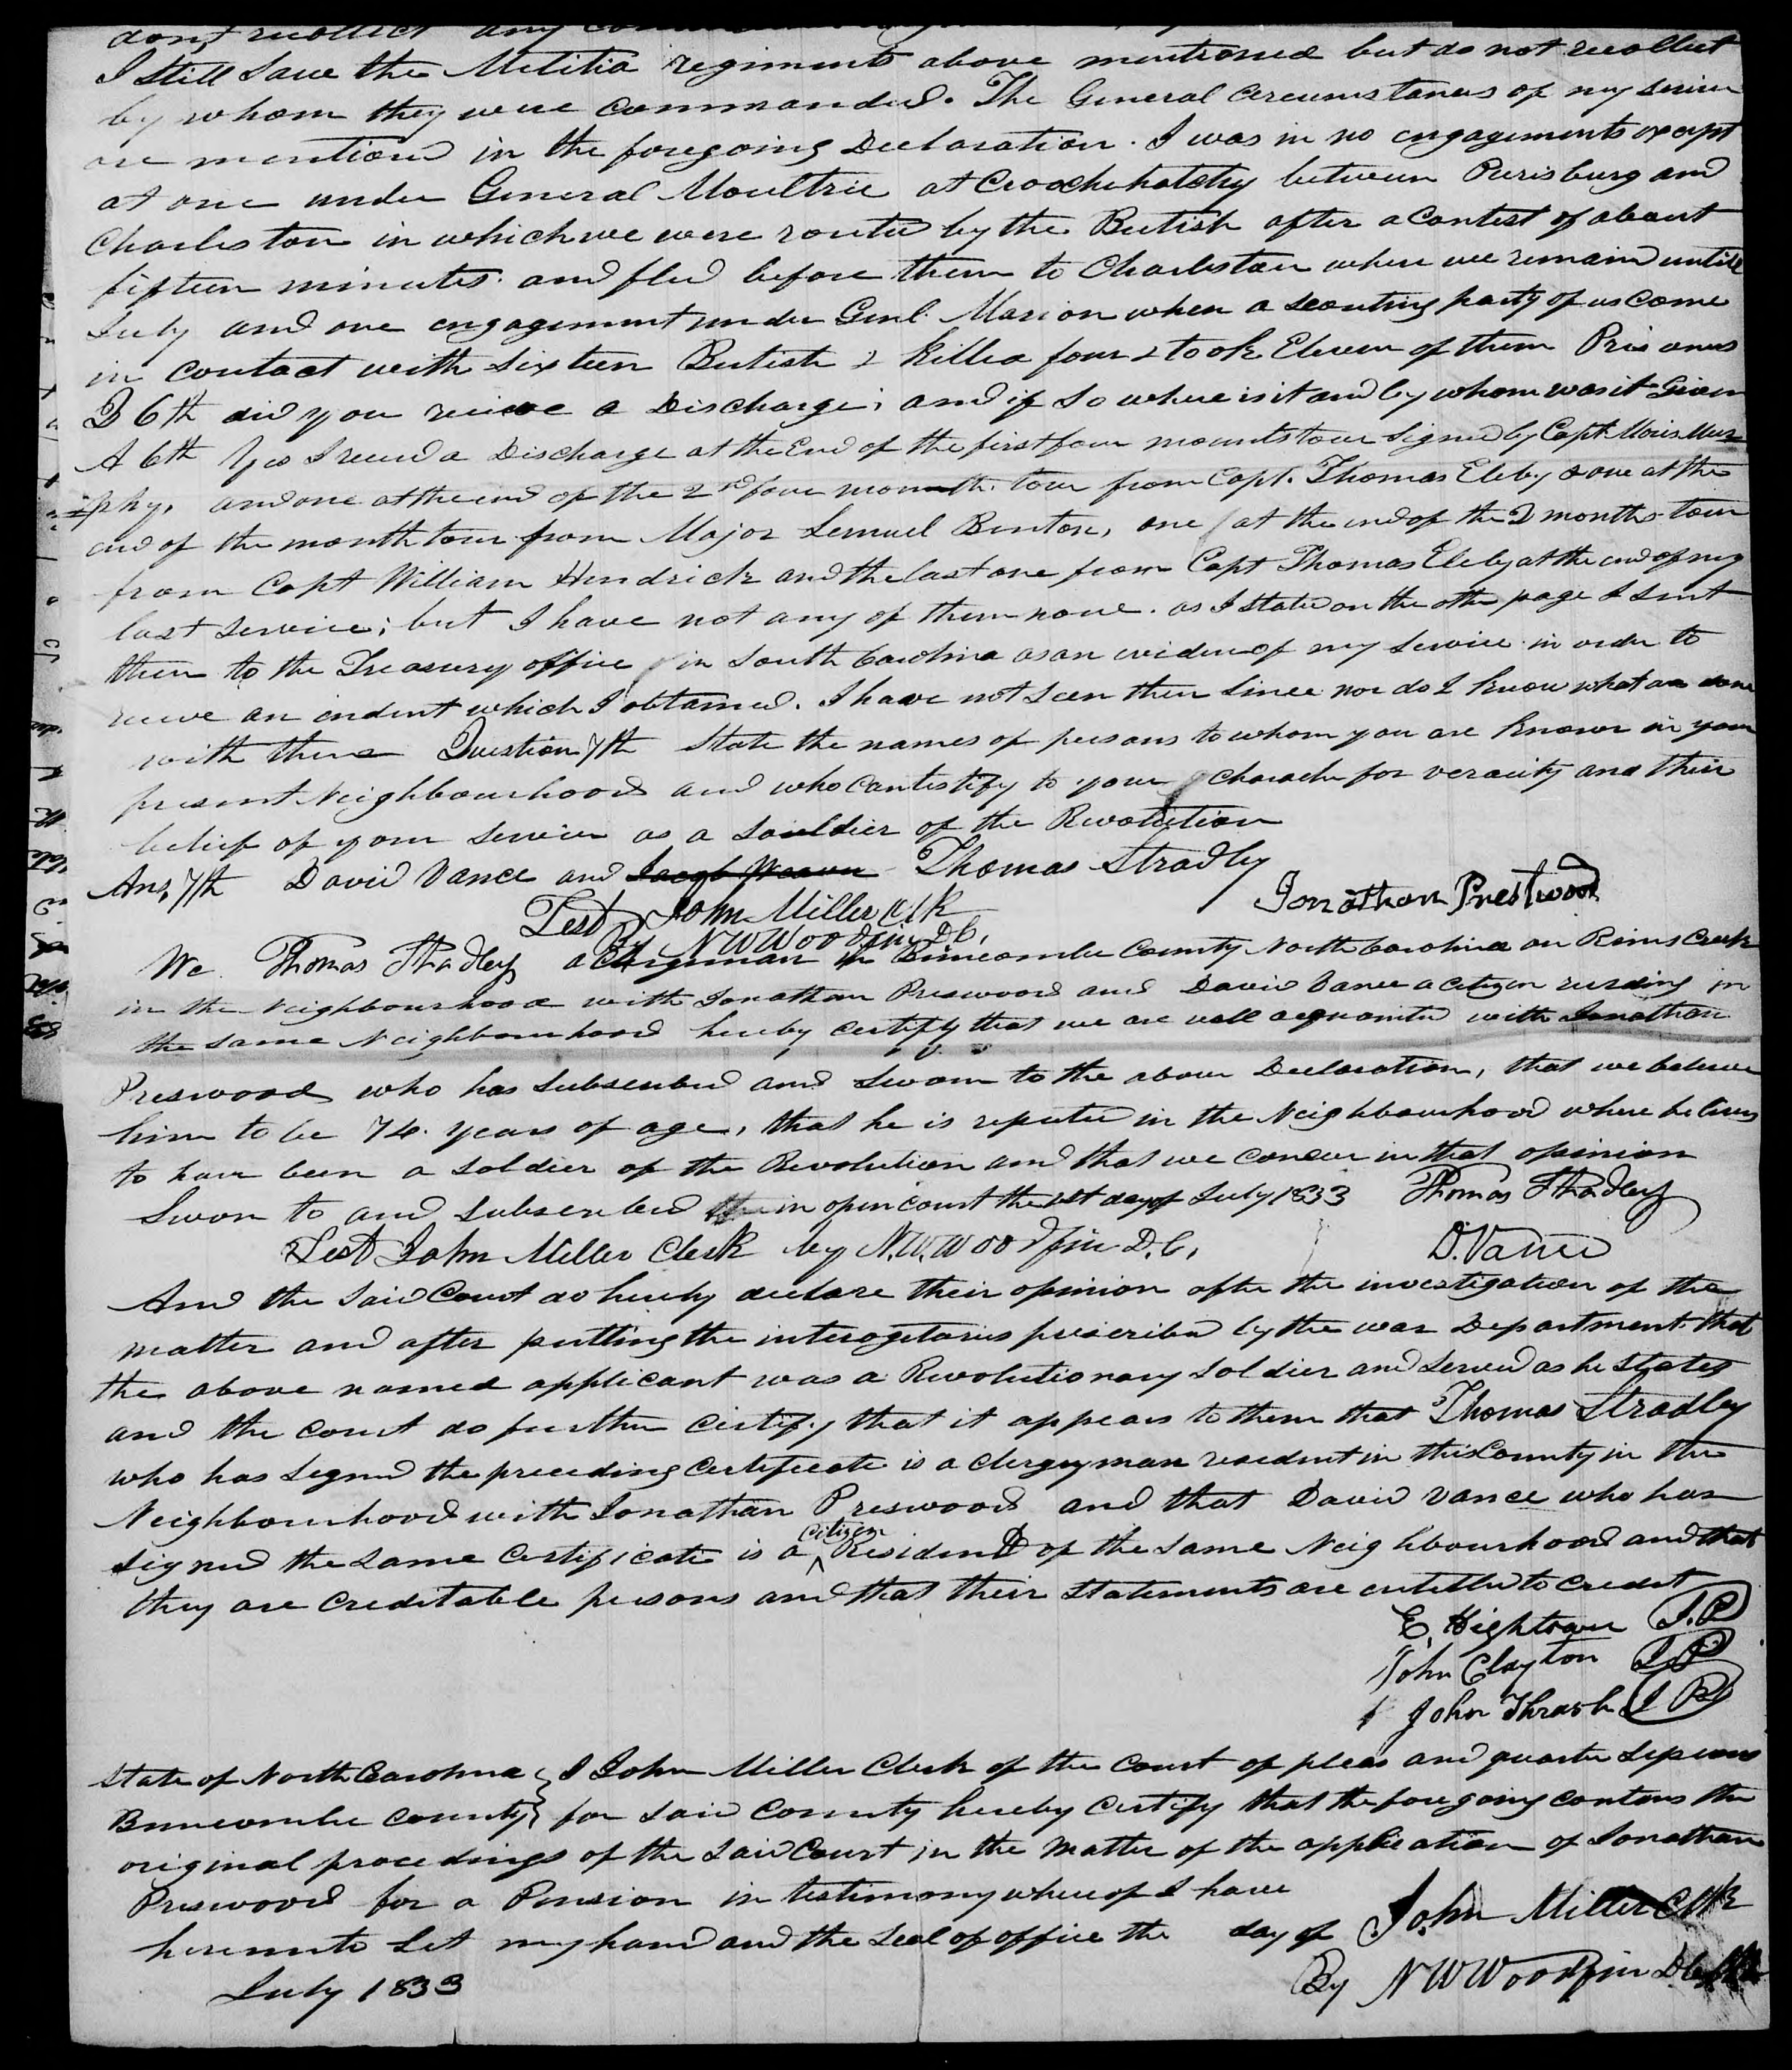I still served the militia regiments above mentioned but do not recollect by whom they were commanded. The General circumstances of my service are as mention in the foregoing declaration. I was in no engagements except at one under General Moultrie at Coosahatchie between Purisburg and Charleston in which we were routed by the British after a contest of about fifteen minutes and fled before them to Charleston where we remain until July and one engagement under Genl Marion when a scouting party of us came in contact with sixteen British & Killed four & took Eleven of them Prisoners
Q 6th did you receive a Discharge; and if so where is it and by whom was it given
A 6th yes I received a Discharge at the End of the first four months tour signed by Capt Moses Murphy, and one at the end of the 2d four month tour from Capt. Thomas Eleby & one at the end of the one month tour from Major Samuel Benton, one at the end of the 2 months tour from Capt William Hendrick and the last one from Capt Thomas Eleby at the and of my last service; but I have not any of them now as I stated on the other page sent them to the Treasury office in South Carolina as an evidence of my service in order to receive an indent which I obtained. I have not seen their since nor do I know what was done with them
Question 7th State the names of persons to whom you are known in your present neighbourhood and who can testify to your character for veracity and their belief of your service as a soldier of the Revolution
Ans, 7 David Vance and John Thomas Stradley
[signed] Jonathan Prestwood
Test John Miller Clk
by N W Woodfin DC

We, Thomas Stradley a clergyman in Buncombe County North Carolina on Reins Creek in the neighborhood with Jonathan Prestwood and David Vance a citizen residing the same Neighborhood hereby certify that we are well acquainted with Jonathan Prestwood who has subscribed and sworn to the above Declaration, that we believe him to be 74 years of age, that he is reputed in the Neighborhood where he lives to have been a soldier of the Revolution and that we concur in that opinion
[signed] Thomas Stradley
D. Vance
Sworn to and subscribed the in open court the 1st day of July 1833
Test John Miller Clerk by A. W. Woodfin D.C.

And the said Court do hereby declare their opinion after the investigation of the matter and after putting the interrogatories prescribed by the war Department that the above named applicant was a Revolutionary soldier and served as he states and the court do further certify that it appears to them that Thomas Stradley who has signed the preceding certificate is a clergyman resident in this County in the Neighborhood with Jonathan Prestwood and that David Vance who has signed the same certificate is a resident of the same Neighborhood and that they are creditable persons and that their statements are entitled to credit
E. Hightower J.P.
John Clayton J.P.
John Thrash J.P.

State of North Carolina  
Buncombe County 
I John Miller Clerk of the Court of pleas and quarter Sessions for said County hereby certify that the foregoing contains the original proceedings of the said Court in the matter of the application of Jonathan Prestwood for a Pension in testimony whereof I have hereunto set my hand and the seal of office the  - day of July 1833
John Miller Clk
By N W Woodfin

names: E Hightower; John Clayton; N W Woodfin; John Miller; John Thrash; Jacob Weaver; David Vance; Lemuel Benton; Thomas Stradley; [BLANK] Marion; Jonathan Preswood; [BLANK] Moultrie; Moris Murphy; William Hendrick; Thomas Eleby; Jonathan Prestwood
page: 13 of 13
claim: survivor's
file: S. 8,977, for Jonathan Prestwood, South Carolina